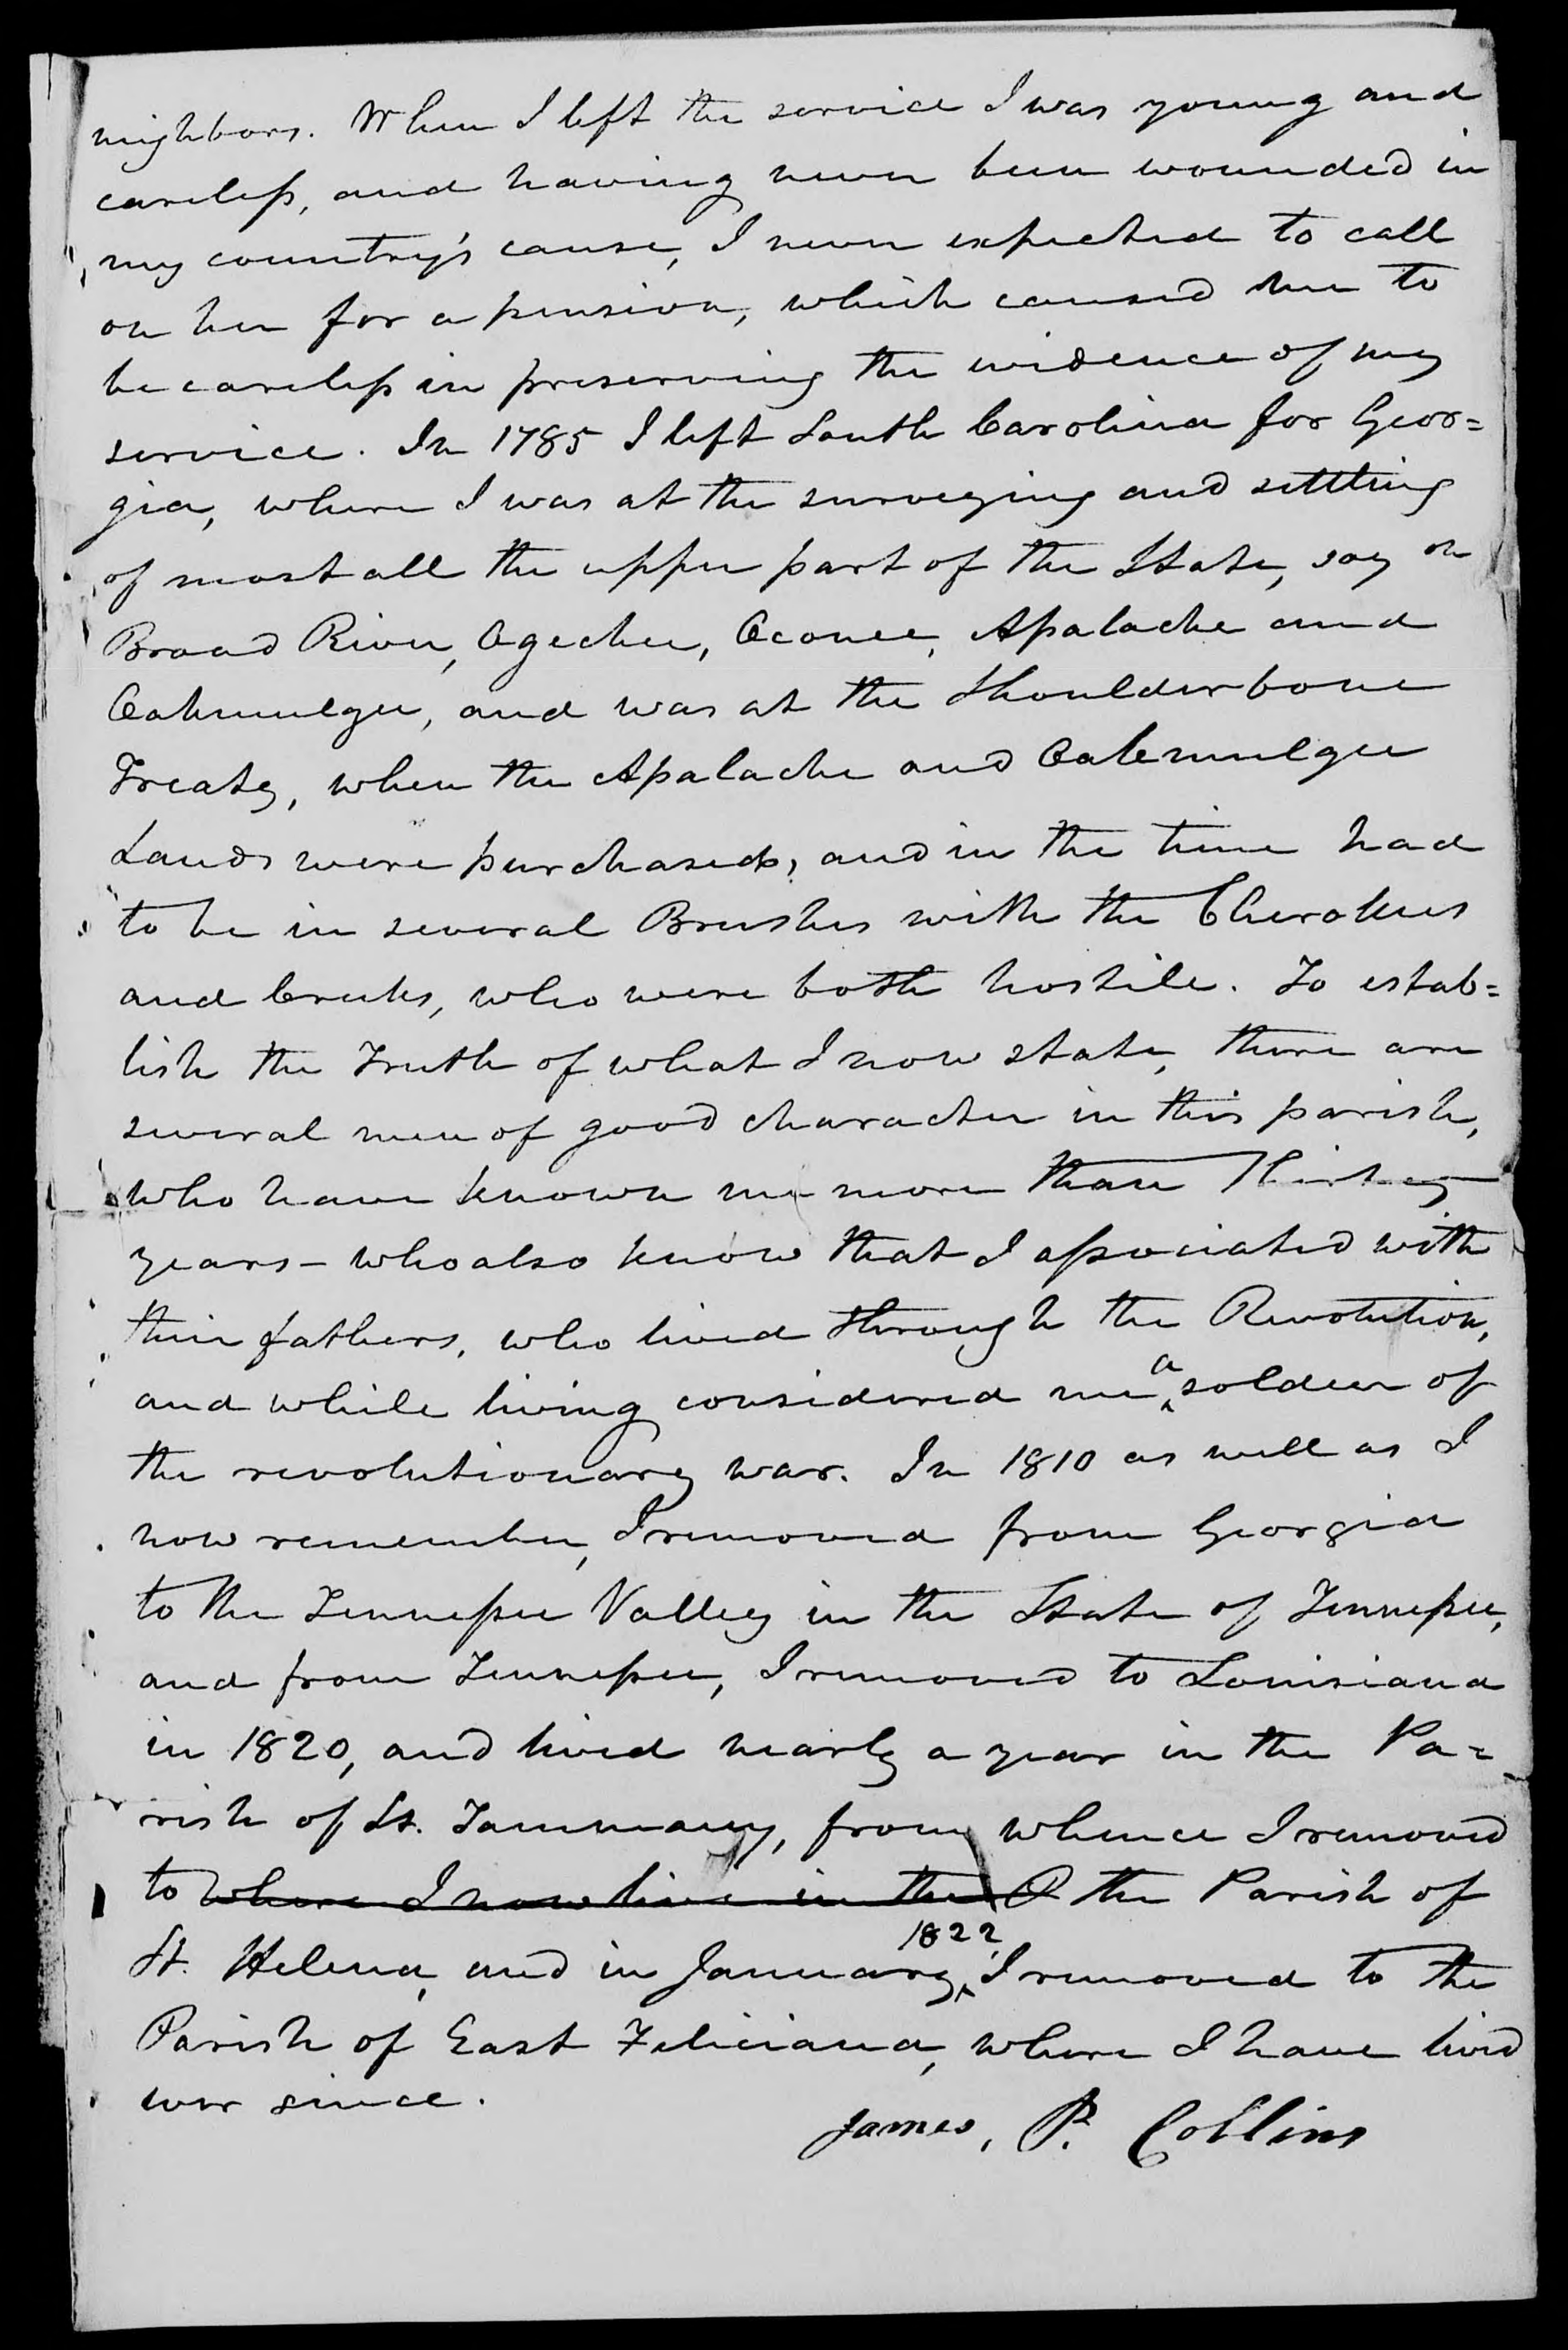neighbors When I left the service I was young and careless, and having never been wounded in my country's cause, I never expected to call on her for a pension which caused me to be careless in preserving the evidence of my service. In 1785 I left South Carolina for Georgia, where I was at the surveying and settling of most all the upper part of the State, say on Broad River, Ogeeche, Oconee, Apalache and and Okmulgee. and was at the Shoulderbone Treaty when the Apalache and Okmulgee ands were purchased, and in the time had to be in several Brushes with the Cherokees and Creeks, who were both hostile. To establish the truth of what I now state, there are several men of good character in this parish who have known me more than thirty years, who also know that I associated with their fathers, who lived through the Revolution and while living considered me soldier of
the revolutionary War. In 1810 as well as I now remember I removed from Georgia to the Tennessee Valley in the State of Tennessee and from Tennessee, I removed to Louisiana in 1820, and lived nearly a year in the Parrish of St. Tammany, from whence I removed to live in the the Parish of St. Helena and in January I removed to the Parish of East Feliciana where I have lived ever since.
[signed] James P. Collins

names: Cherobus, James P Collins, Creeks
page: 4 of 48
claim: rejected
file: R. 2173, James P Collins, S. C.